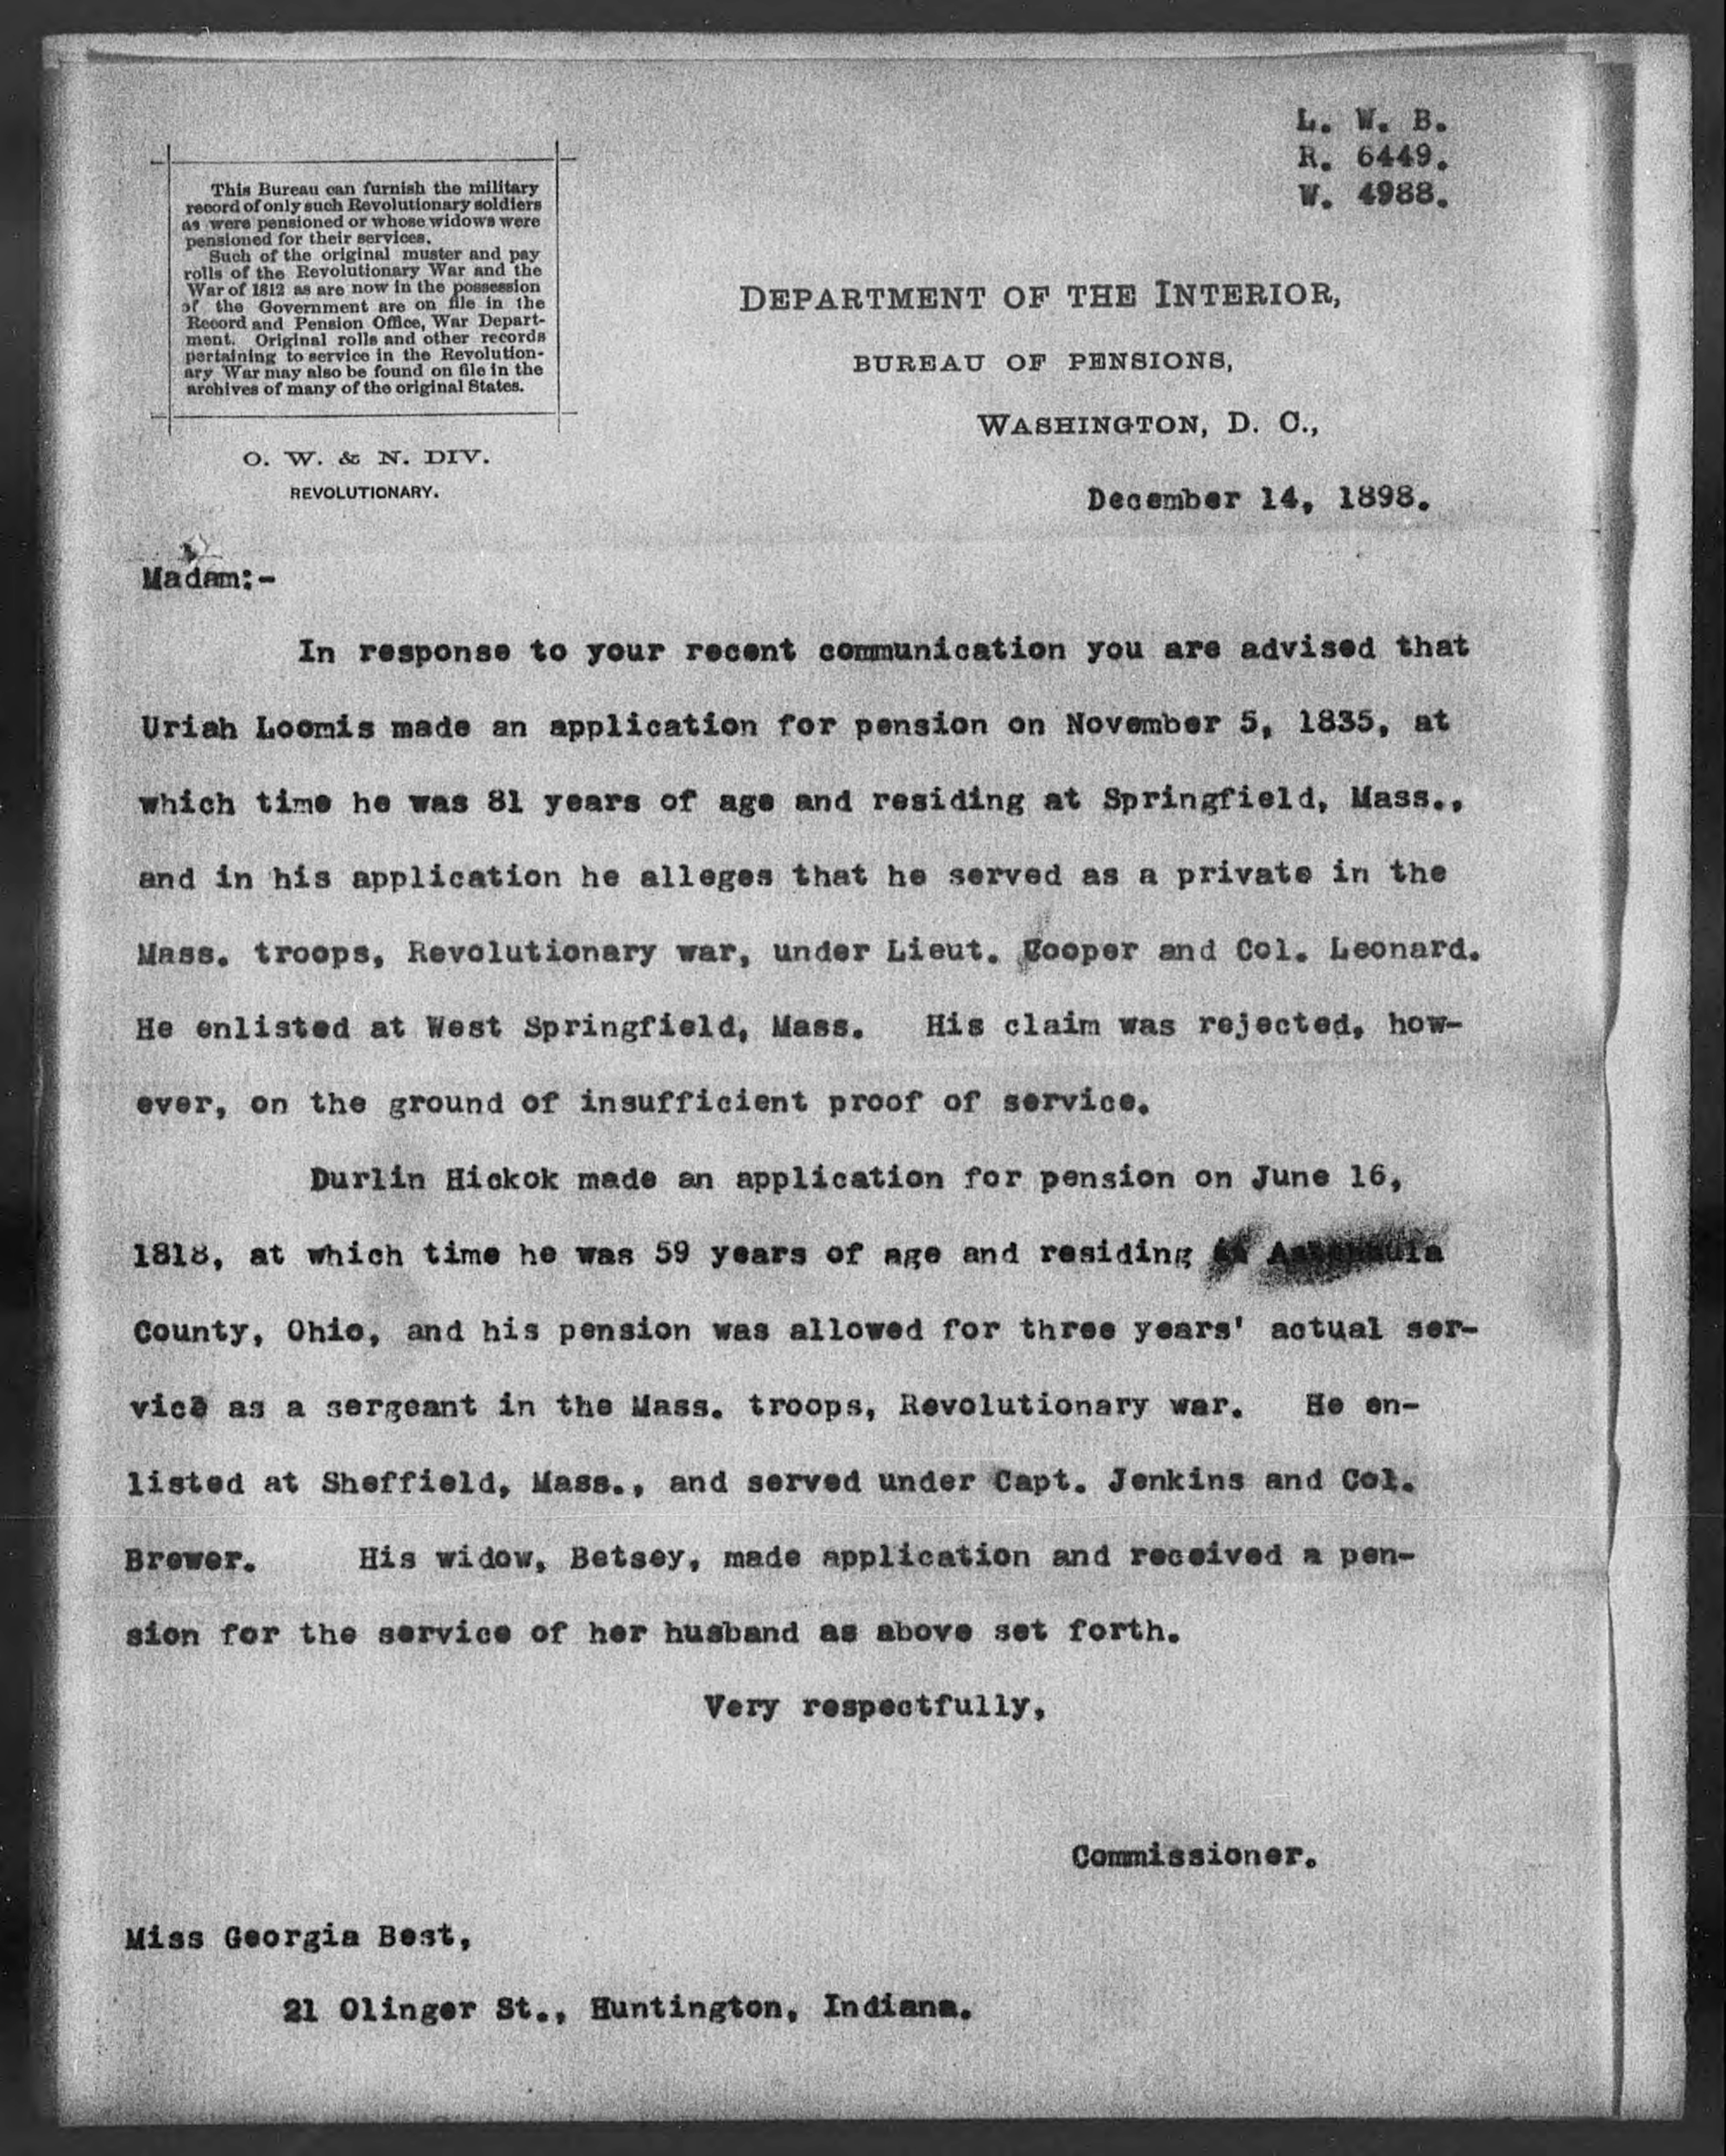[letter head at top] This Bureau can furnish the military record of only such Revolutionary soldiers as were pensioned or whose widows were pensioned for their service.
Such of the original number and pay rolls of the Revolutionary War and the War of 1812 are now in the possession of the Government are on file in the Record and Pension Office, Ware Department.  Original rolls and other records pertaining to service in the Revolutionary War may also be found on file in the archives of many of the original States. 
O. W. & N. DIV.
REVOLUTIONARY.
DEPARTMENT OF THE INTERIOR,
BUREAU OF PENSIONS,
WASHINGTON, D. C.,
[typewritten] L. W. B. 
R. 6449.
W. 4988.
December 14, 1898.
Madam:-
In response to your recent communication you are advised that Uriah Loomis made an application for pension on November 5, 1835, at which time he was 81 years of age and residing at Springfield, Mass., and in his application he alleges that he served as a private in the Mass. troops, Revolutionary war, under Lieut. Cooper and Col. Leonard.  He enlisted at West Springfield Mass.  His claim was rejected, however on the group of insufficient proof of service.
Durlin Hickok made an application for pension on June 16, 1818, at which time he was 59 years of age and residing in Ashtabula County, Ohio, and his pension was allowed for three years' actual service as a sergeant in the Mass. troops, Revolutionary war.  He enlisted at Sheffield Mass., and served under Capt. Jenkins and Col. Brewer.  His window, Betsey, made an application and received a pension for the service of her husband as above set forth.
Very respectfully,
Commissioner.
Miss Georgia Best,
21 Olinder St., Huntington, Indiana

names: Brewer, Uriah Loomis, Betsey, Jenkins, Durlin Hickok, Leonard, Georgia Best, Cooper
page: 40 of 45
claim: widow's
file: W. 4988, Durlin Hickok, Mass.